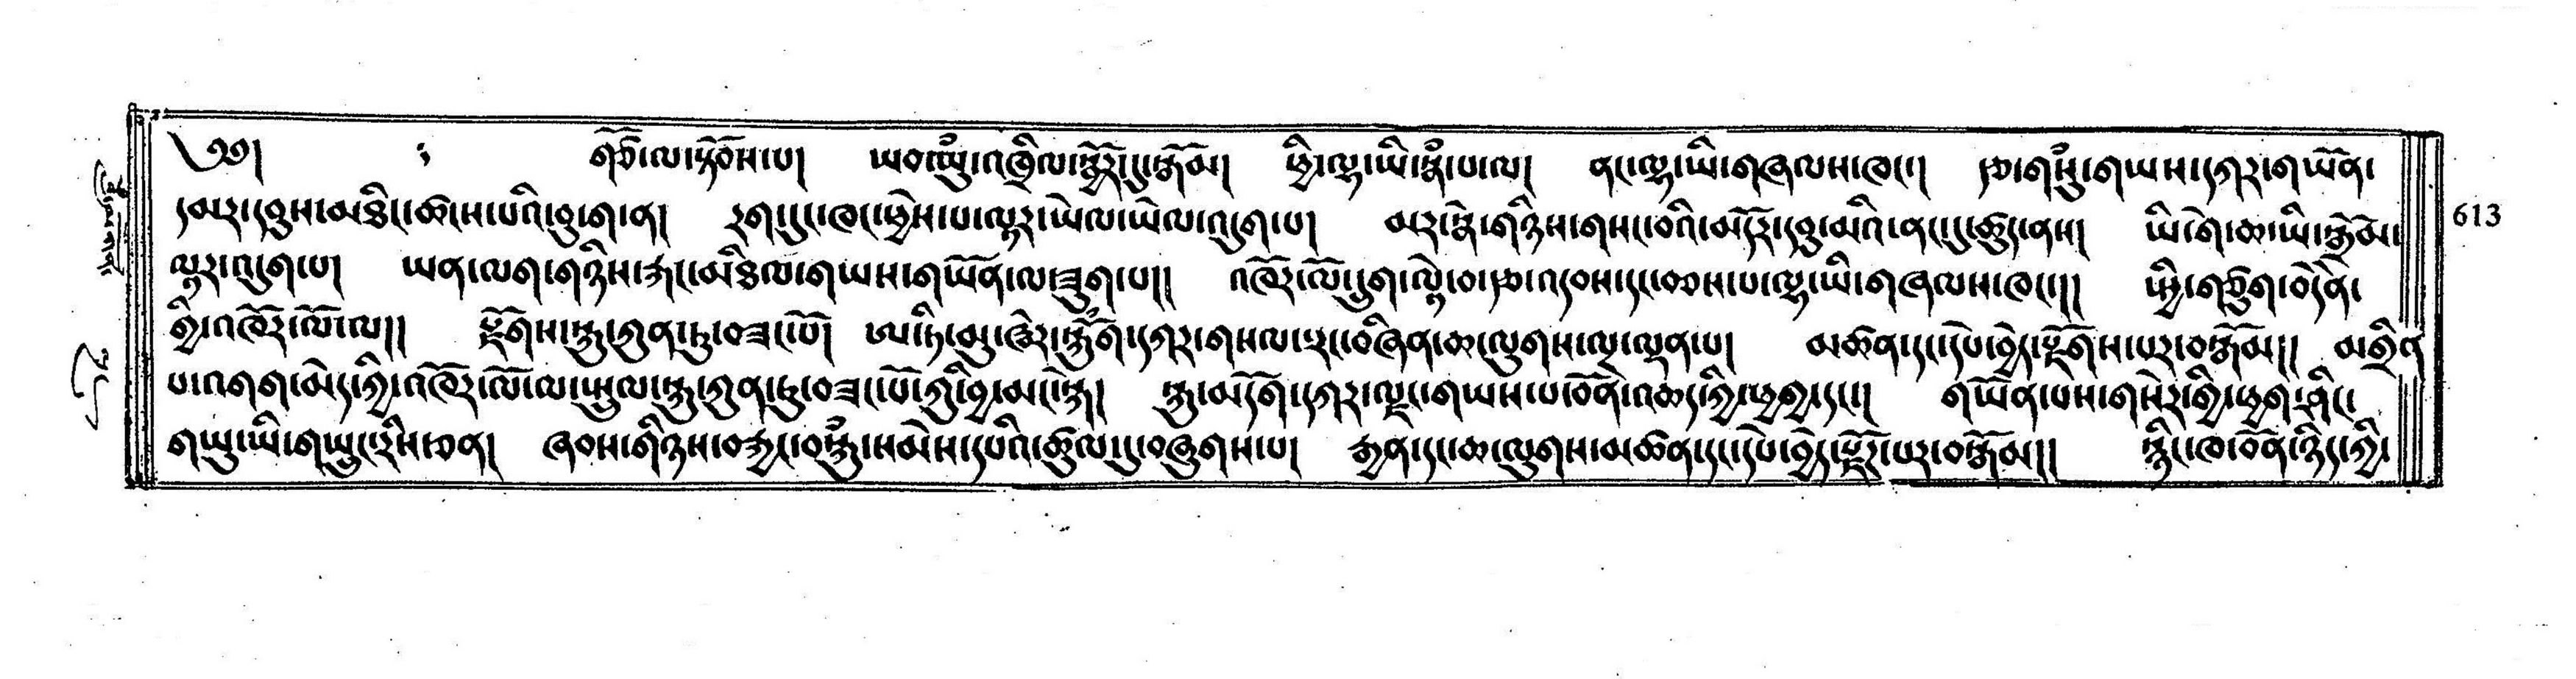གཙོ་ལ་སྟོབས་པ། ཡབ་ཡུམ་འཁྲིལ་སྦྱོར་དུ་སྒོམ། ཕྱི་ལྷ་ཡི་རྣམ་པ་ལ། ནང་ལྷ་ཡི་གཞལ་ཡས་ཁང་། རྩ་གསུམ་གཡས་དཀར་གཡོན་
དམར་དབུས་མཐིང་ཚངས་པའི་བུ་ག་ན། རག་དུང་ཁ་ཕྱེས་པ་ལྟར་ཡེལ་ཡེལ་འདུག་པ། མར་སྣེ་གཉིས་གསང་བའི་མདོར་དབུ་མའི་ནང་དུ་ཚུད་ནས། ཡི་གེ་ཆ་ཡི་སྒྲོམ་
ལྟར་འདུག་པ། ཡན་ལག་གཉིས་རྐང་མཐིལ་གཡས་གཡོན་ལ་ཟུག་པ།། འཁོར་ལོ་དྲུག་ལྟེ་བ་རྩ་འདབ་དང་བཅས་པ་ལྷ་ཡི་གཞལ་ཡས་ཁང་།། སྤྱི་གཙུག་བདེ་ཆེན་
གྱི་འཁོར་ལོ་ལ།། རྫོགས་སྐུ་ཀུན་ཏུ་བཟང་པོ། ཨ་ཏི་མུ་ཝེར་སྐུ་མདོག་དཀར་གསལ་རང་བཞིན་ཆ་ལུགས་ལྔ་ལྡན་པ། མཚན་དང་དཔེ་བྱད་རྫོགས་པར་བསྒོམ།། མགྲིན་
པ་འགག་མེད་ཀྱི་འཁོར་ལོ་ལ་སྤྲུལ་སྐུ་ཀུན་ཏུ་བཟང་པོ་ཀུ་བྱི་མང་སྐེ། སྐུ་མདོག་དཀར་ལྗང་གཡས་པ་བོན་འཆད་ཀྱི་ཕྱག་རྒྱ་དང་། གཡོན་པས་གསེར་གྱི་ཕྱག་ཤིང་
གཡུ་ཡི་གཡུང་དྲུང་རིས་ཅན། ཞབས་གཉིས་བརྐྱང་བསྐུམ་སེམས་དཔའི་ཚུལ་དུ་བཞུགས་པ། རྒྱན་དང་ཆ་ལུགས་མཚན་དང་དཔེ་བྱེད་རྫོགས་པར་བསྒོམ།། སྙིང་ཁ་བོན་ཉིད་ཀྱི་